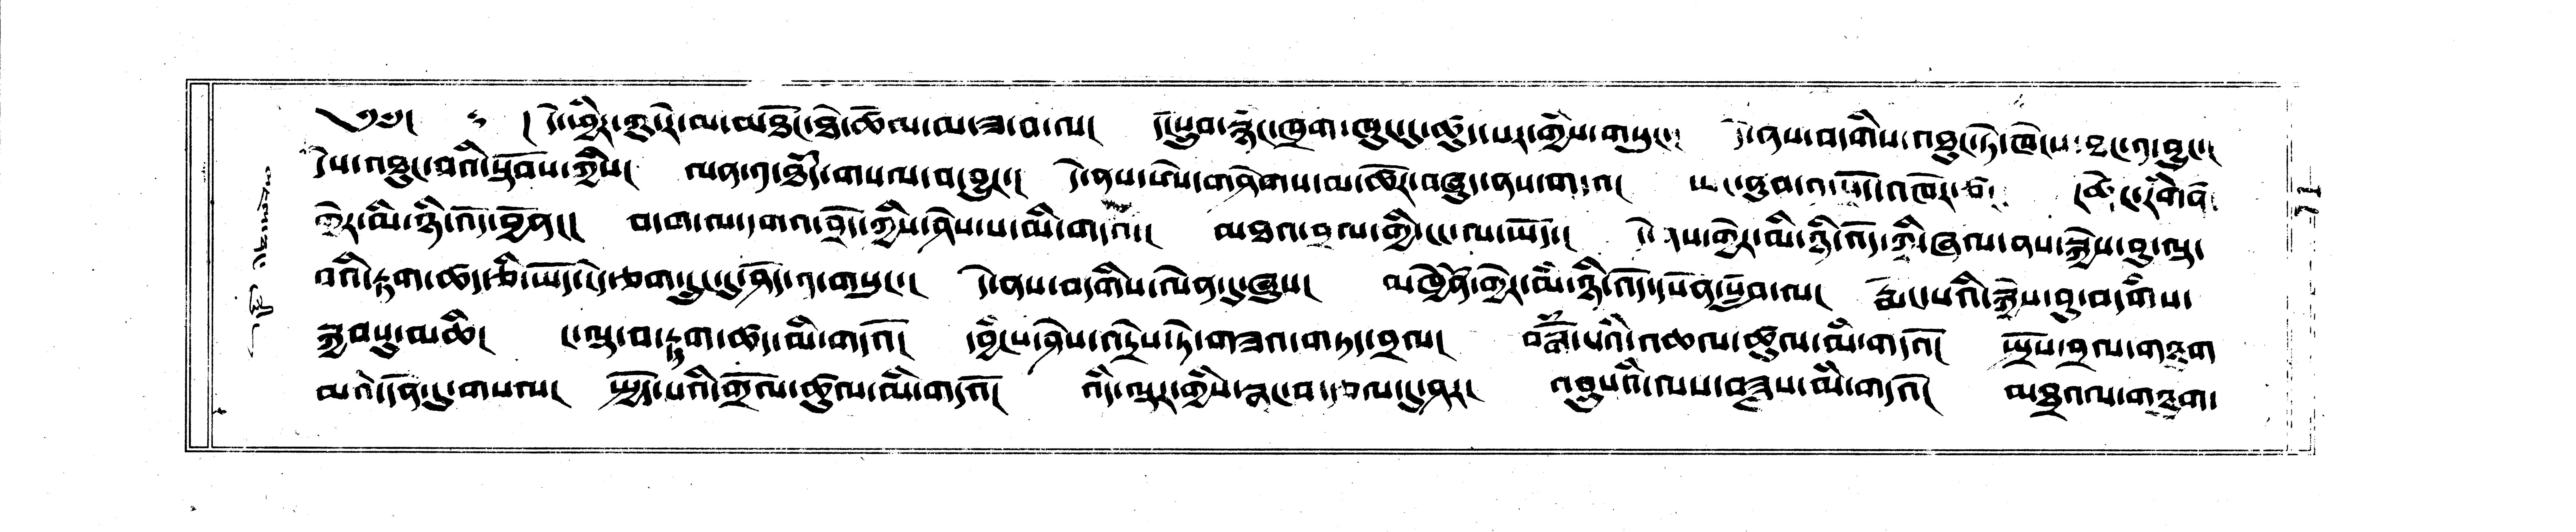དེ་ཕྱིར་ཀུ་རེ་མ་མཐོང་ཐེ་ཚོམ་མ་ཟ་བ་ལ། དངོས་གྲུབ་སྙིང་ཁྲག་ཁུང་དུ་ཚུད་པར་གྱིས་གསུང་། དེ་ནས་བདག་གིས་འཐུང་ཏེ་ཁེངས་ཐང་གཅིག་བྱུང་། 
དེས་འཐུང་བའི་སྟོབས་ཀྱིས། ལན་གཅིག་ཐམས་ཅད་གསལ་བ་བྱུང་། དེ་ནས་ཨེ་གཤེགས་མ་ཚོར་བཞུད་ནས་གདའ། ཡང་ནུབ་གཅིག་སྲོད་འཁོར་ཙ། ཚེ་དབང་རིག་འཛིན་
གྱེར་མི་ཉི་འོད་བྱོན། བདག་ལ་དགའ་བྲོད་ཀྱིས་ཤེས་པ་མི་གདའ། མཐའ་བྲལ་གྱི་ངང་ལ་ཡོད། དེ་ནས་གྱེར་མི་ཉི་འོད་ཀྱི་ཞལ་ནས་སྐྱེས་བུ་ལྟ་
བའི་རྟག་༼རྟོགས་༽ཚད་ཅི་ཡོད་ངེད་ཅག་དྲུང་དུ་ཤོད་གཅིག་གསུང་། དེ་ནས་བདག་གིས་ལེན་དུ་ཞུས། མཁྱེན་རྩེ་གྱེར་མི་ཉི་འོད་དཔོན་སློབ་ལ། རྨོངས་པའི་སྐྱེས་བུ་བདག་གིས་
སྐྱབས་སུ་མཆི། ང་ལྟ་བ་རྟག་ཚད་མི་གདའོ། དབྱིངས་ཤེས་འདྲེས་ཏེ་གཟའ་གཏད་བྲལ། བསྒོམ་པའི་འཆལ་ཚུལ་མི་གདའོ། སྤྲོས་བྲལ་གཉུག་
མའི་དོན་དུ་གསལ། སྤྱོད་པའི་གྲོལ་ཚུལ་མི་གདའོ། འདི་ལྟར་གྱི་སྣང་བ་རྩལ་དུ་ཤར། འབྲས་བུའི་ལ་བཟླས་མི་གདའོ། མཐའ་བྲལ་གཉུག་